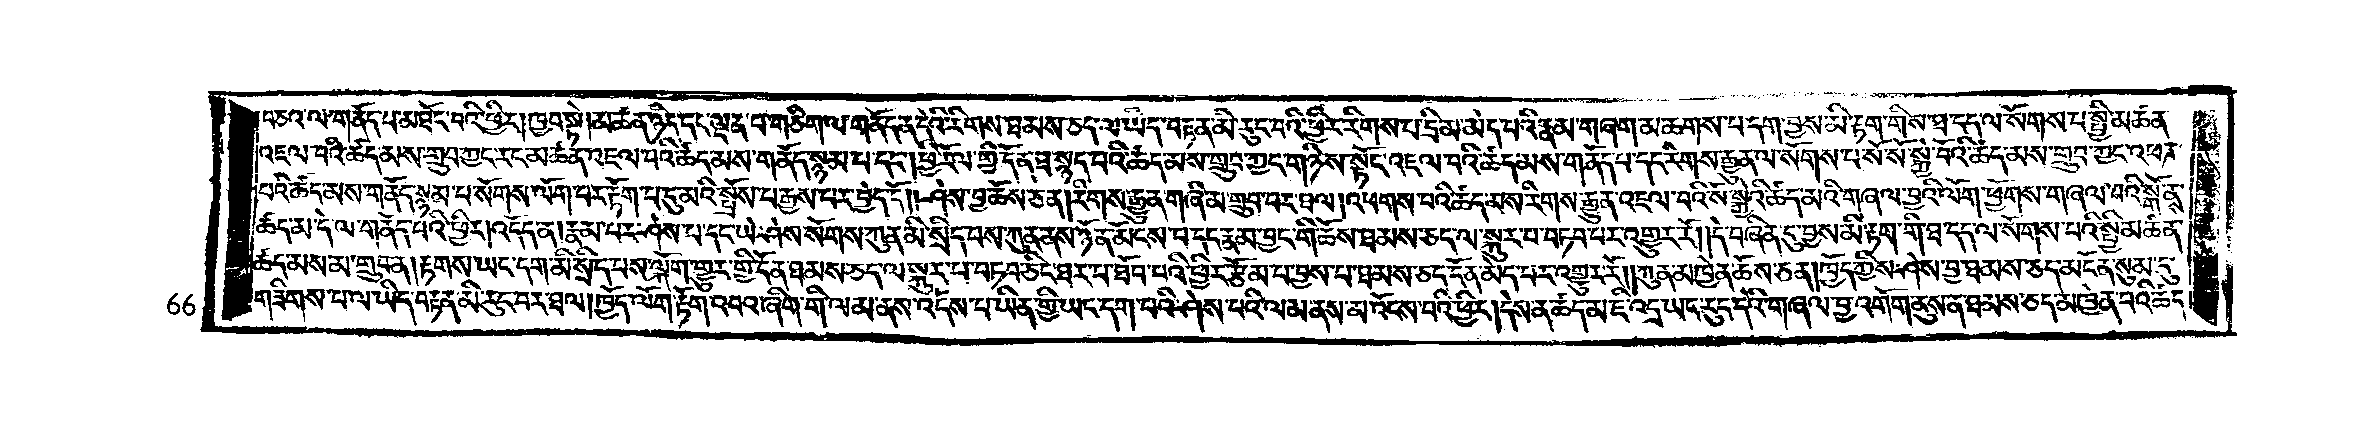བཅའ་ལ་གནོད་པ་མཐོང་བའི་ཕྱིར། ཁྱབ་སྟེ། མཚན་ཉིད་དང་ལྡན་པ་གཅིག་ལ་གནོད་ན་དེའི་རིགས་ཐམས་ཅད་ལ་ཡིད་བརྟན་མི་རུང་བའི་ཕྱིར་རིགས་པ་དྲི་མ་མེད་པའི་རྣམ་གཞག་མ་ཆགས་པ་དག་བྱས་མི་རྟག་གིས་ཐ་དད་ལ་སོགས་པ་སྤྱི་མཚན་
འཇལ་བའི་ཚད་མས་གྲུབ་ཀྱང་རང་མཚན་འཇལ་བའི་ཚད་མས་གནོད་སྙམ་པ་དང་། ཕྱི་རོལ་གྱི་དོན་ཐ་སྙད་པའི་ཚད་མས་གྲུབ་ཀྱང་གཉིས་སྟོང་འཇལ་བའི་ཚད་མས་གནོད་པ་དང་རིགས་རྒྱུན་ལ་སོགས་པ་སོ་སོ་སྐྱེ་བོའི་ཚད་མས་གྲུབ་ཀྱང་འཕགས་
པའི་ཚད་མས་གནོད་སྙམ་པ་སོགས་ལོག་པར་རྟོག་པ་དུ་མའི་སྤྲོས་པ་རྒྱས་པར་བྱེད་དོ། །ཤེས་བྱ་ཆོས་ཅན། རིགས་རྒྱུན་གཞི་མ་གྲུབ་པར་ཐལ། འཕགས་པའི་ཚད་མས་རིགས་རྒྱུན་འཇལ་བའི་སོ་སྐྱེའི་ཚད་མའི་གཞལ་བྱའི་ལོག་ཕྱོགས་གཞལ་བའི་སྒོ་ནས་
ཚད་མ་དེ་ལ་གནོད་པའི་ཕྱིར། འདོད་ན། རྣམ་པར་ཤེས་པ་དང་ཡེ་ཤེས་སོགས་ཀུན་མི་སྲིད་པས་ཀུན་ནས་ཉོན་མོངས་པ་དང་རྣམ་བྱང་གི་ཆོས་ཐམས་ཅད་ལ་སྐུར་པ་བཏབ་པར་འགྱུར་རོ། །དེ་བཞིན་དུ་བྱས་མི་རྟག་གི་ཐ་དད་ལ་སོགས་པའི་སྤྱི་མཚན་
ཚད་མས་མ་གྲུབ་ན། རྟགས་ཡང་དག་མི་སྲིད་པས་ལྐོག་གྱུར་གྱི་དོན་ཐམས་ཅད་ལ་སྐུར་བ་བཏབ་ཅིང་ཐར་པ་ཐོབ་པའི་ཕྱིར་རྩོམ་པ་བྱས་པ་ཐམས་ཅད་དོན་མེད་པར་འགྱུར་རོ། །ཀུན་མཁྱེན་ཆོས་ཅན། ཁྱོད་ཀྱིས་ཤེས་བྱ་ཐམས་ཅད་མངོན་སུམ་དུ་
གཟིགས་པ་ལ་ཡིད་བརྟན་མི་རུང་བར་ཐལ། ཁྱོད་ལོག་རྟོག་འབའ་ཞིག་གི་ལམ་ནས་འདོས་པ་ཡིན་གྱི་ཡང་དག་པའི་ཤེས་པའི་ལམ་ནས་མ་འོངས་པའི་ཕྱིར། དེས་ན་ཚད་མ་ཇི་འདྲ་ཡང་རུང་དེའི་གཞལ་བྱ་འགོག་ནུས་ན་ཐམས་ཅད་མཁྱེན་པའི་ཚད་